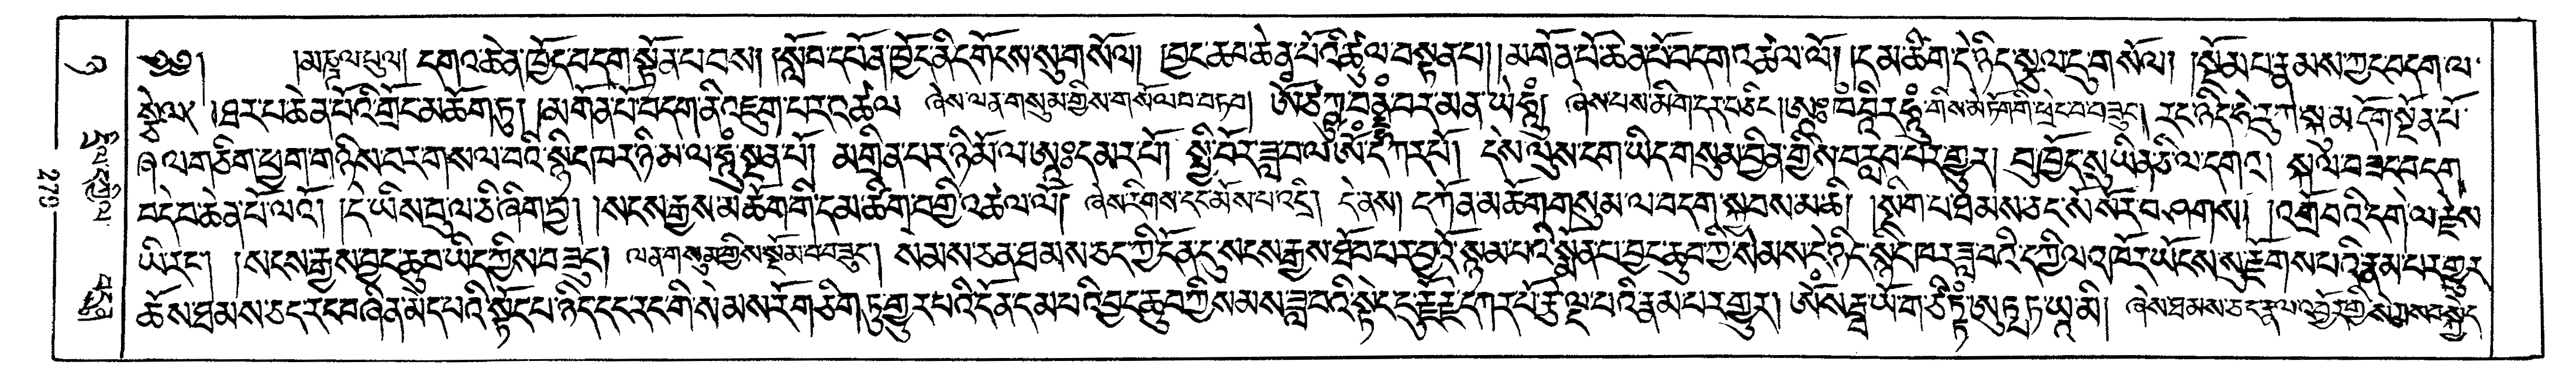༄༅། །མཎྜལ་ཕུལ། དགའ་ཆེན་ཁྱོད་བདག་སྟོན་པ་བས། །སློབ་དཔོན་ཁྱོད་ནི་དགོངས་སུ་གསོལ། །བྱང་ཆུབ་ཆེན་པོའི་ཚུལ་བསྟན་པ། །མགོན་པོ་ཆེན་པོ་བདག་འཚལ་ལོ། །དམ་ཚིག་དེ་ཉིད་སྩལ་དུ་གསོལ། །སྔོ་མ་བ་རྣམས་ཀྱང་བདག་ལ་
སྩོལ༑ ༑ཐར་པ་ཆེན་པོའི་གྲོང་མཆོག་ཏུ། །མགོན་པོ་བདག་ནི་འཇུག་པར་འཚལ། ཞེས་ལན་གསུམ་གྱིས་གསོལ་བ་བཏབ། ཨོཾ་ཙཀྵུ་བནྡྷཾ་བ་ར་མ་ན་ཡེ་ཧཱུཾ། ཞེས་པས་མིག་དར་བཅིང་། ཨཱཿ ཁཾ་བའི་ར་ཧཱུཾ་གིས་མེ་ཏོག་གི་ཕྲེང་བ་བཟུང་། རང་ཉིང་ཧེ་རུ་ཀ་སྐུ་མདོག་སྔོན་པོ་
ཞལ་གཅིག་ཕྱག་གཉིས་པར་གསལ་བའི་སྙིང་ཁར་ཉི་མ་ལ་ཧཱུཾ་སྔོན་པོ། མགྲིན་པར་ཉི་མ་ལ་ཨཱཿ དམར་པོ། སྤྱི་བོར་ཟླ་བ་ལ་ཨོཾ་དཀར་པོ། དེས་ལུས་ངག་ཡིད་གསུམ་བྱིན་གྱིས་བརླབ་པར་གྱུར། བུ་ཁྱོད་སུ་ཡིན་ཅི་ལ་དགའ། སྐལ་བཟང་བདག་
བདེ་བ་ཆེན་པོ་ལའོ། །དེ་ཡིས་བུ་ལ་ཅི་ཞིག་བྱ། །སངས་རྒྱས་མཆོག་གི་དམ་ཚིག་བགྱི་འཚལ་ལོ། ཞེས་རིགས་དང་མོས་པ་འདྲི། དེ་ནས། དཀོན་མཆོག་གསུམ་ལ་བདག་སྐྱབས་མཆི། །སྡིག་པ་ཐམས་ཅད་སོ་སོར་བཤགས། །འགྲོ་བའི་དགེ་ལ་རྗེས་
ཡི་རང་། །སངས་རྒྱས་བྱང་ཆུབ་ཡིང་ཀྱིས་བཟུང་། ལན་གསུམ་གྱིས་སྡོམ་པ་བཟུང་། སེམས་ཅན་ཐམས་ཅད་ཀྱི་དོན་དུ་སངས་རྒྱས་ཐོབ་པར་བྱའོ་སྙམ་པའི་སྨོན་པ་བྱང་ཆུབ་ཀྱི་སེམས་དེ་ཉིད་སྙིང་ཁར་ཟླ་བའི་དཀྱིལ་འཁོར་ཡོངས་སུ་རྫོགས་པའི་རྣམ་པར་གྱུར།
ཆོས་ཐམས་ཅད་རང་བཞིན་མེད་པའི་སྟོང་པ་ཉིད་དང་རང་གི་སེམས་རོ་གཅིག་ཏུ་གྱུར་པའི་དོན་དམ་པའི་བྱང་ཆུབ་ཀྱི་སེམས་ཟླ་བའི་སྟེང་དུ་རྡོ་རྗེ་དཀར་པོ་རྩེ་ལྔ་བའི་རྣམ་པར་གྱུར། ཨོཾ་སརྦྦ་ཡོ་གྲྩིཏྟཾ་ཨུཏྤ་ཏ་ཡཱ་མི། ཞེས་ཐམས་ཅད་རྣལ་འབྱོར་གྱི་སེམས་བསྐྱེད།